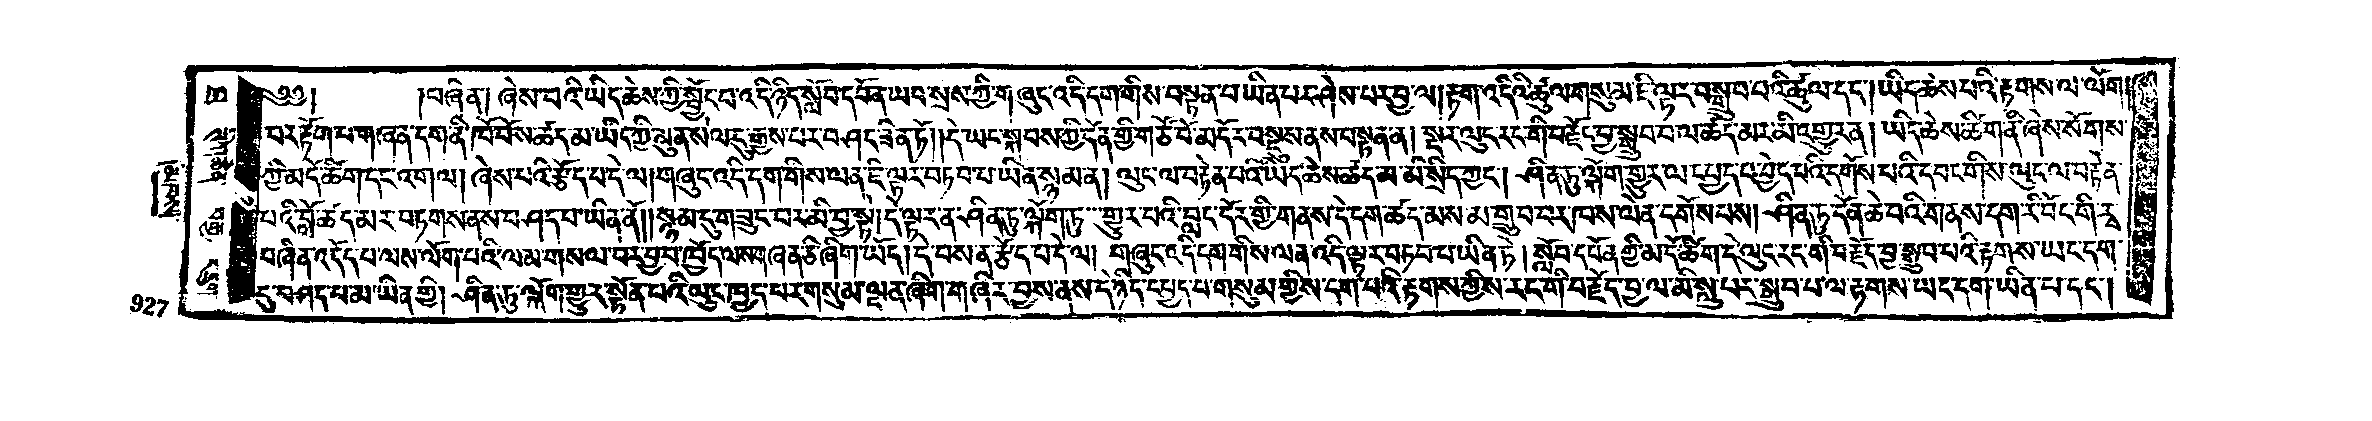༄༅། །བཞིན། ཞེས་པའི་ཡིད་ཆེས་ཀྱི་སྦྱོང་བ་འདི་ཉིད་སློབ་དཔོན་ཡབ་སྲས་ཀྱི་གཞུང་འདི་དག་གིས་བསྟན་པ་ཡིན་པར་ཤེས་པར་བྱ་ལ། རྟག་འདིའི་ཚུལ་གསུམ་ཇི་ལྟར་བསྒྲུབ་པའི་ཚུལ་དང་། ཡིད་ཆེས་པའི་རྟགས་ལ་ལོག་
པར་རྟོག་པ་གཞན་དག་ནི་ཁོ་བོས་ཚད་མ་ཡིད་ཀྱི་མུན་སེལ་དུ་རྒྱས་པར་བཤད་ཟིན་ཏོ། །དེ་ཡང་སྐབས་ཀྱི་དོན་གྱི་གཙོ་བོ་མདོར་བསྡུས་ནས་བསྟན་ན། སྔར་ལུང་རང་གི་བརྗོད་བྱ་སྒྲུབ་པ་ལ་ཚད་མར་མི་འགྱུར་ན། ཡིད་ཆེས་ཚིག་ནི་ཞེས་སོགས་
ཀྱི་མདོ་ཚིག་དང་འགལ། ཞེས་པའི་རྩོད་པ་དེ་ལ། གཞུང་འདི་དག་གིས་ལན་ཇི་ལྟར་བཏབ་པ་ཡིན་སྙམ་ན། ལུང་ལ་བརྟེན་པའི་ཡིད་ཆེས་ཚད་མ་མི་སྲིད་ཀྱང་། ཤིན་ཏུ་ལྐོག་གྱུར་ལ་དཔྱད་པ་བྱེད་པའི་དགོས་པའི་དབང་གིས་ལུང་ལ་བརྟེན་
པའི་བློ་ཚད་མར་བཏགས་ནས་བཤད་པ་ཡིན་ནོ། །སྙམ་དུ་གཟུང་བར་མི་བྱ་སྟེ། དེ་ལྟར་ན་ཤིན་ཏུ་ལྐོག་ཏུ་གྱུར་པའི་བླང་དོར་གྱི་གནས་དེ་དག་ཚད་མས་མ་གྲུབ་པར་ཁས་ལེན་དགོས་པས། ཤིན་ཏུ་དོན་ཆེ་བའི་གནས་དག་རི་བོང་གི་རVཨ་
བཞིན་འདོད་པ་ལས་ལོག་པའི་ལམ་གསལ་བར་བྱ་བ་ཁྱོད་ལས་གཞན་ཅི་ཞིག་ཡོད། དེ་བས་ན་རྩོད་པ་དེ་ལ། གཞུང་འདི་དག་གིས་ལན་འདི་ལྟར་བཏབ་པ་ཡིན་ཏེ། སློབ་དཔོན་གྱི་མདོ་ཚིག་དེ་ལུང་རང་གི་བརྗོད་བྱ་སྒྲུབ་པའི་རྟགས་ཡང་དག་
དུ་བཤད་པ་མ་ཡིན་གྱི། ཤིན་ཏུ་ལྐོག་གྱུར་སྟོན་པའི་ལུང་ཁྱད་པར་གསུམ་ལྡན་ཞིག་གཞིར་བྱས་ནས་དེ་ཉིད་དཔྱད་པ་གསུམ་གྱིས་དག་པའི་རྟགས་ཀྱིས་རང་གི་བརྗོད་བྱ་ལ་མི་སླུ་བར་སྒྲུབ་པ་ལ་རྟགས་ཡང་དག་ཡིན་པ་དང་།